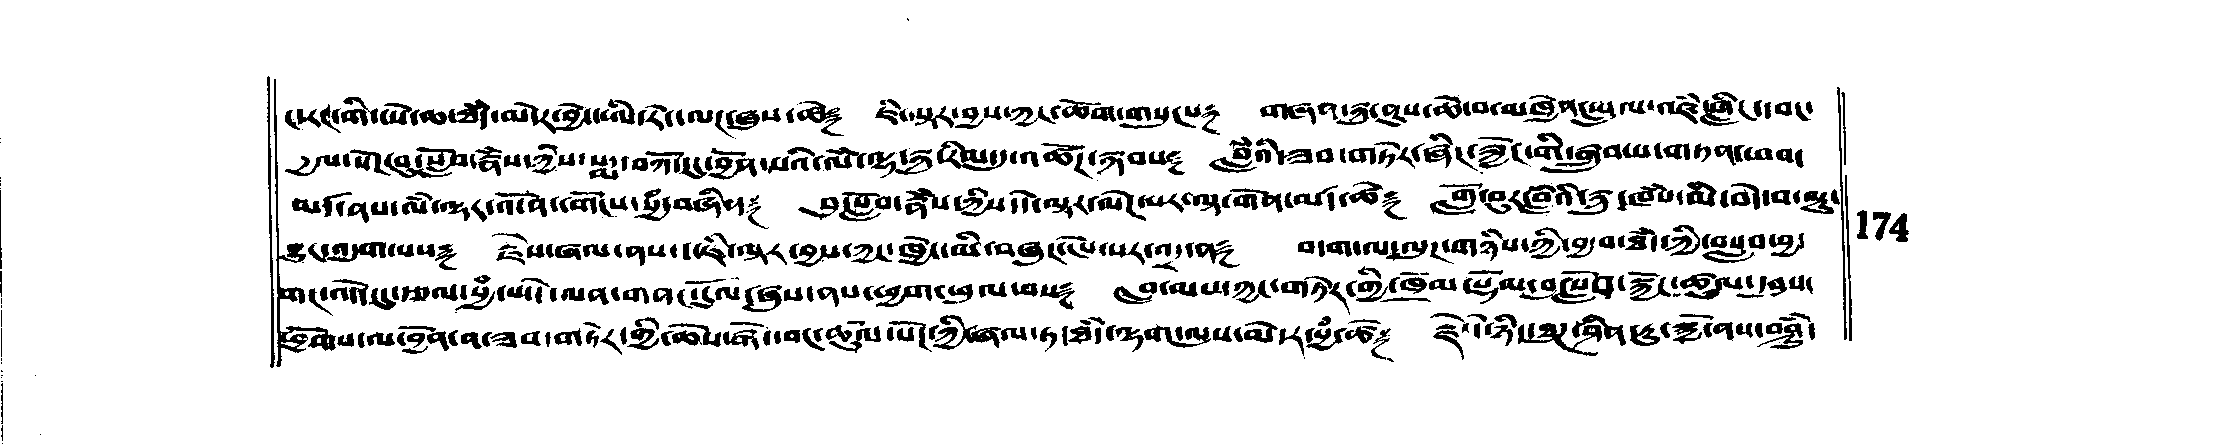ང་རང་གི་དཔེ་ཆ་ཐམས་ཅད་མེད་པར་བྱེད་ཨི་རེད་ལགས་ཞུས་ཚེ། ཇི་ལྟར་བྱས་ཀྱང་ཆོག་གསུངས། གཞན་སྐུ་ནུས་ཆེ་བ་མཁྱེན་སྤྲུལ་འཛམ་གླིང་དབང་
རྒྱལ་སོགས་བུ་སློབ་རྣམས་ཀྱིས་པདྨ་བཀོད་དུ་བྱོན་པའི་ལམ་ལྷ་སྐུ་རིམ་དུ་འཚོགས་སྐབས། བླ་མའི་ཟབ་གཏེར་ཞིང་སྐྱོང་གི་སྒྲུབ་པ་གཏན་ཕབ་
མཛད་ནས་ལམ་ལྷར་འདོན་དགོངས་གསུང་བཞིན། བུ་སློབ་རྣམས་ཀྱིས་དེ་ལྟར་ལེགས་པར་སྟ་གོན་མཛད་ཚེ། གློ་བུར་བླ་མའི་སྐུ་ཁམས་མི་བདེ་བ་ལྟ་བུ་
བྱུང་འདུག་པས། རྗེའི་ཞལ་ནས་ཇི་ལྟར་བྱས་ཀྱང་ཁྱོད་མི་བཞུགས་ངེས་པར་འདྲ་ན། བདག་ལ་ལུགས་གཉིས་ཀྱི་བྱ་བ་ཐམས་ཅད་ཀྱི་བསླབ་བྱ་
གང་འདོད་དུ་རྩལ་གསུང་པ་དེ་ལན་གནང་དུ་གསོལ་ཞུས་ནས་ཕྱག་ཕུལ་བས། བླ་མས་ཀྱང་གཏེར་གྱི་ཁྲོམ་སྡོམ་བུ་སློབ་སྐྱོང་ཚུལ་དབུས་
ཕྱོགས་ལ་བྱོན་ན་ཟབ་གཏེར་གྱི་ཆོས་སྒོ་དབང་ཚུལ་སོགས་ཀྱི་ཞལ་ཏ་ཐམས་ཅད་ལྷག་ལུས་མེད་པར་གསུང་ཚེ། རྗེ་དེ་ཉིད་ཐུགས་ཤིན་ཏུ་སྐྱོ་ནས་བཤུམ་